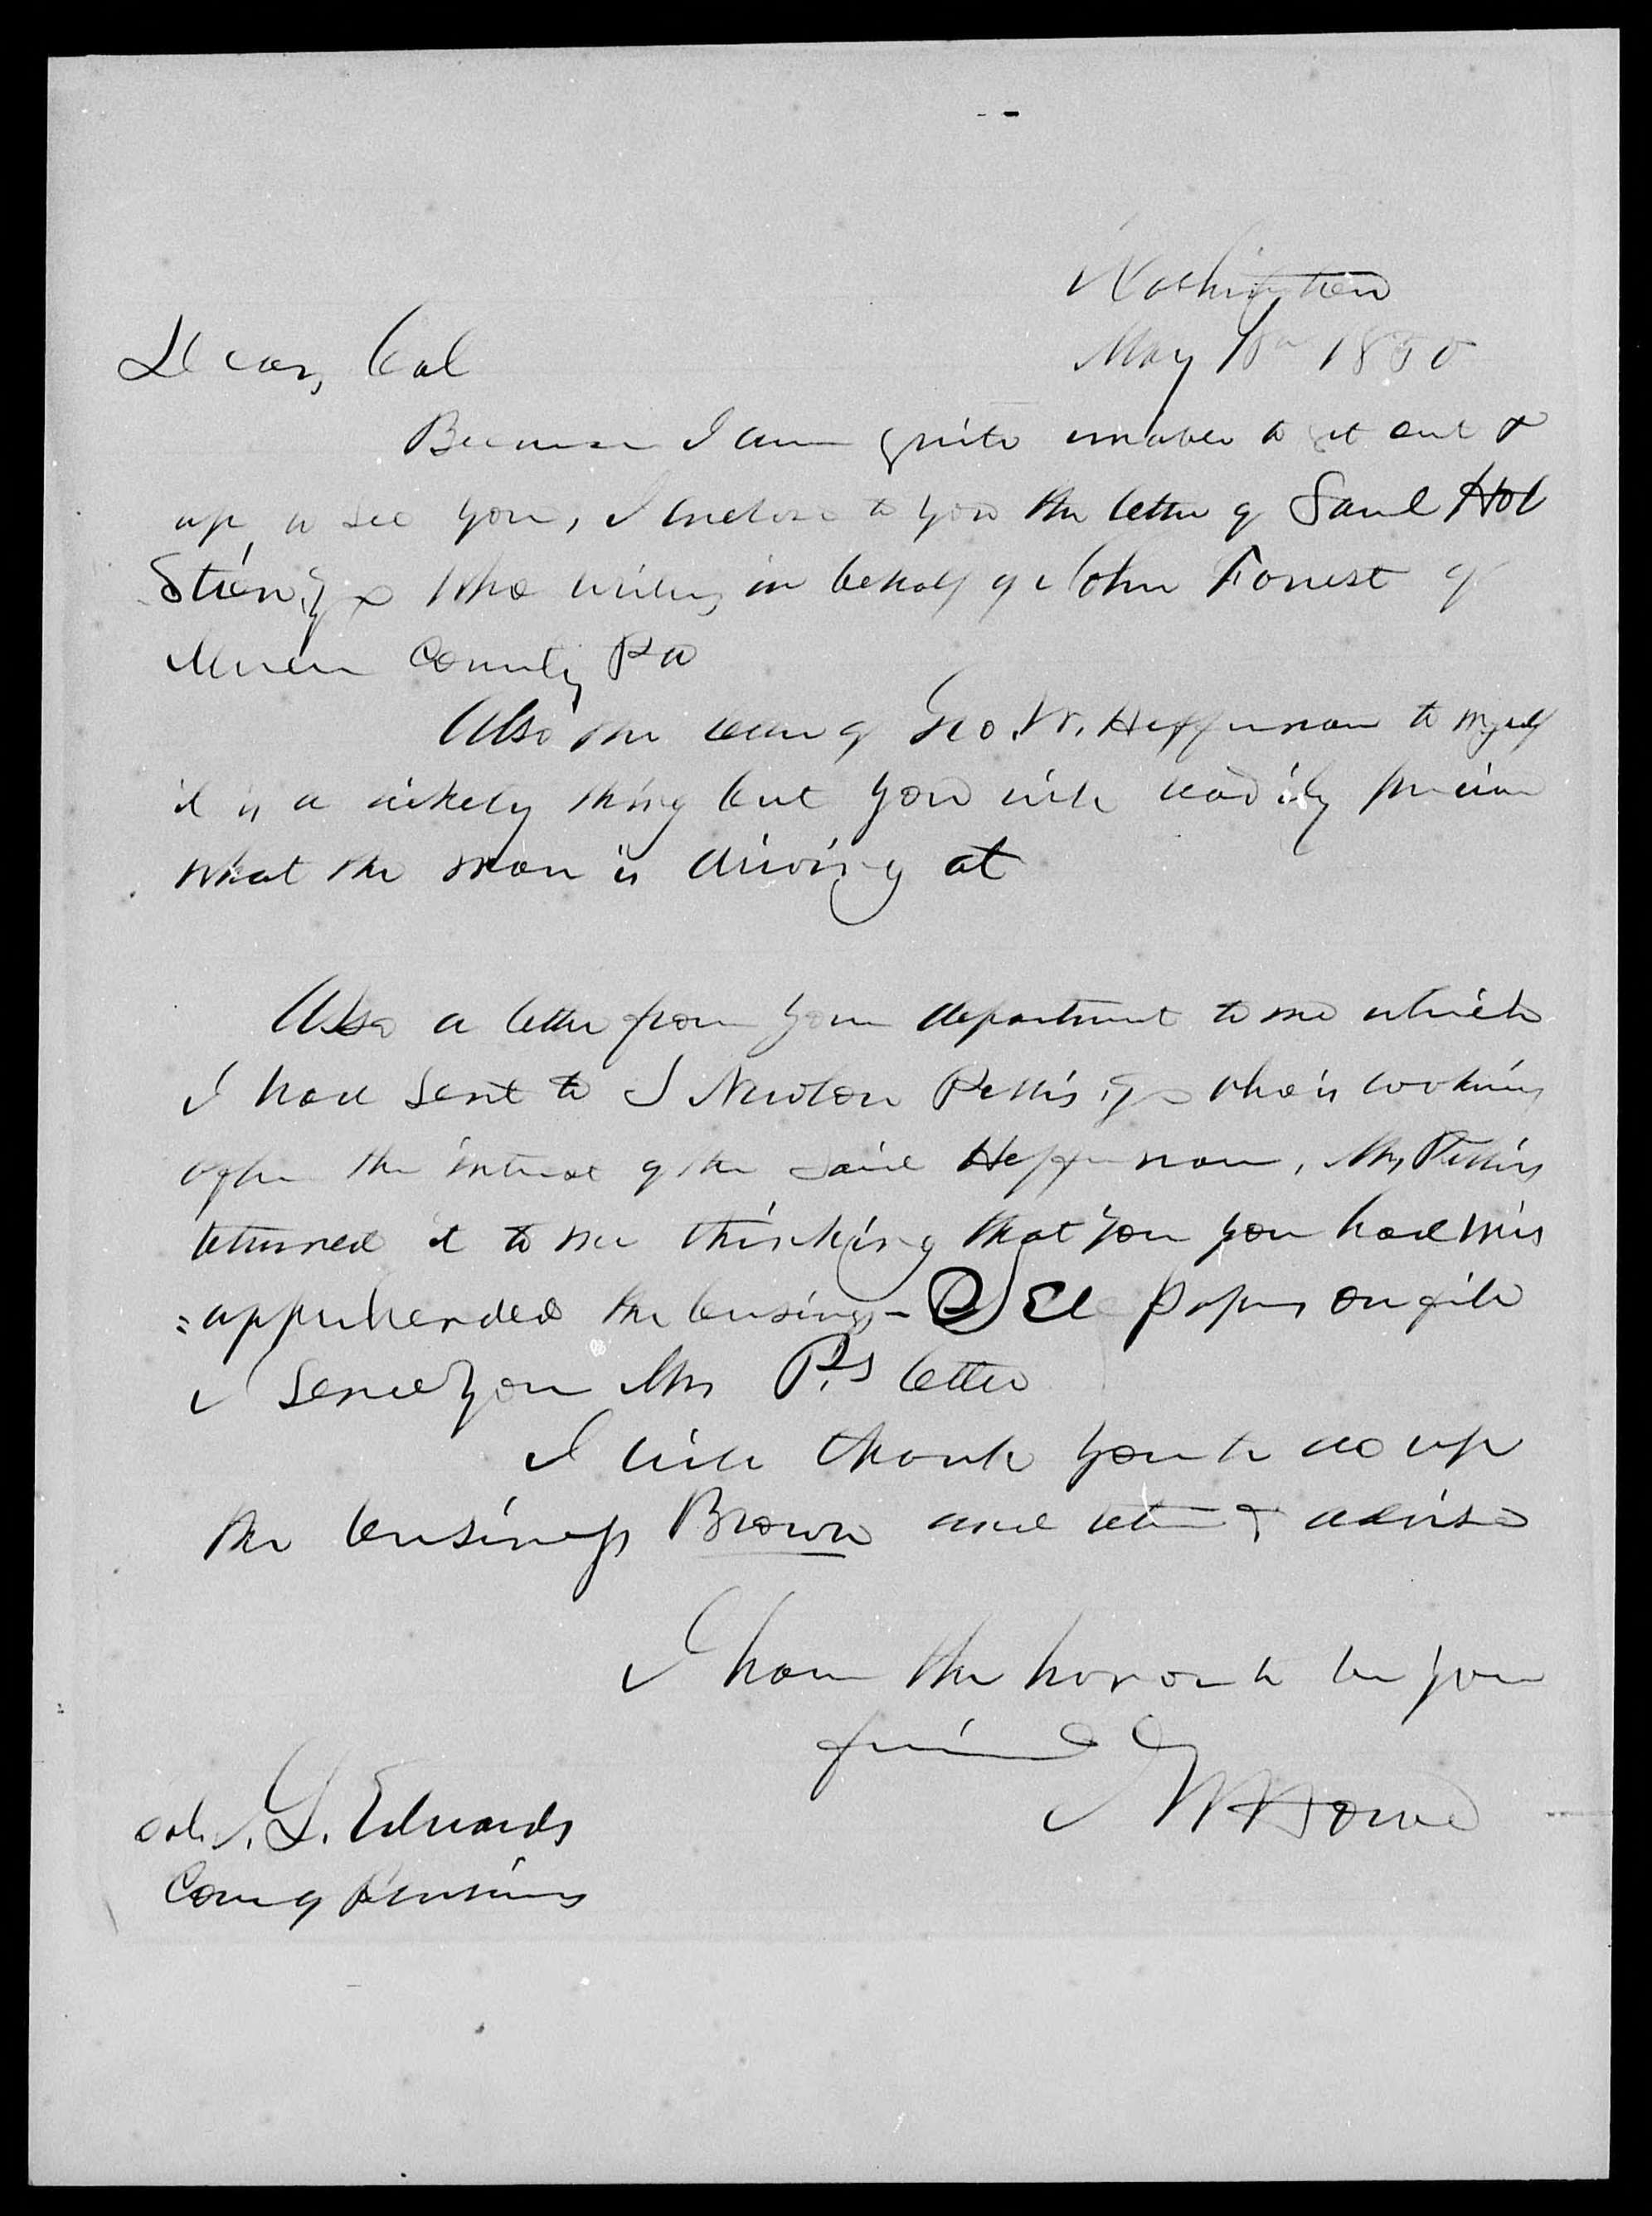Washington
May 18th, 1850

Dear Cal (Col.)
Because I am qute unable to get out & up, to see you, I enclose the letter of Saml. Holstein JP who writing in behalf of John [illegible]  of [illegible] County Pa.
Also the letter of Geo. W. Heffernan to myself it is a [illegible] thing but you will [illegible] by [illegible] what the man is driving at.
Also, a letter from your department to me which I have sent to J. Newton [illegible] JP who is looking after the interest of the {illegible] Heffernan, Mr. [illegible] returned it to me thinking that you have misapprehended the [illegible]. See paper on tile .[illegible] send you Mr. Ps letter.
I will thank you to do up Mr. [illegible] Brown and letter & advise.
I have the honor to be your friend,
J. W. Howe

[illegible] L Edwards
Comm. of pensions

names: Geo W Heffernan, Brown, Pellis, J W Howe, G Edwards, Heffernan, S Newton Pellis, Saml Hol Strong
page: 17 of 21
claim: rejected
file: R. 4419, Hugh Haffernan, Penn.